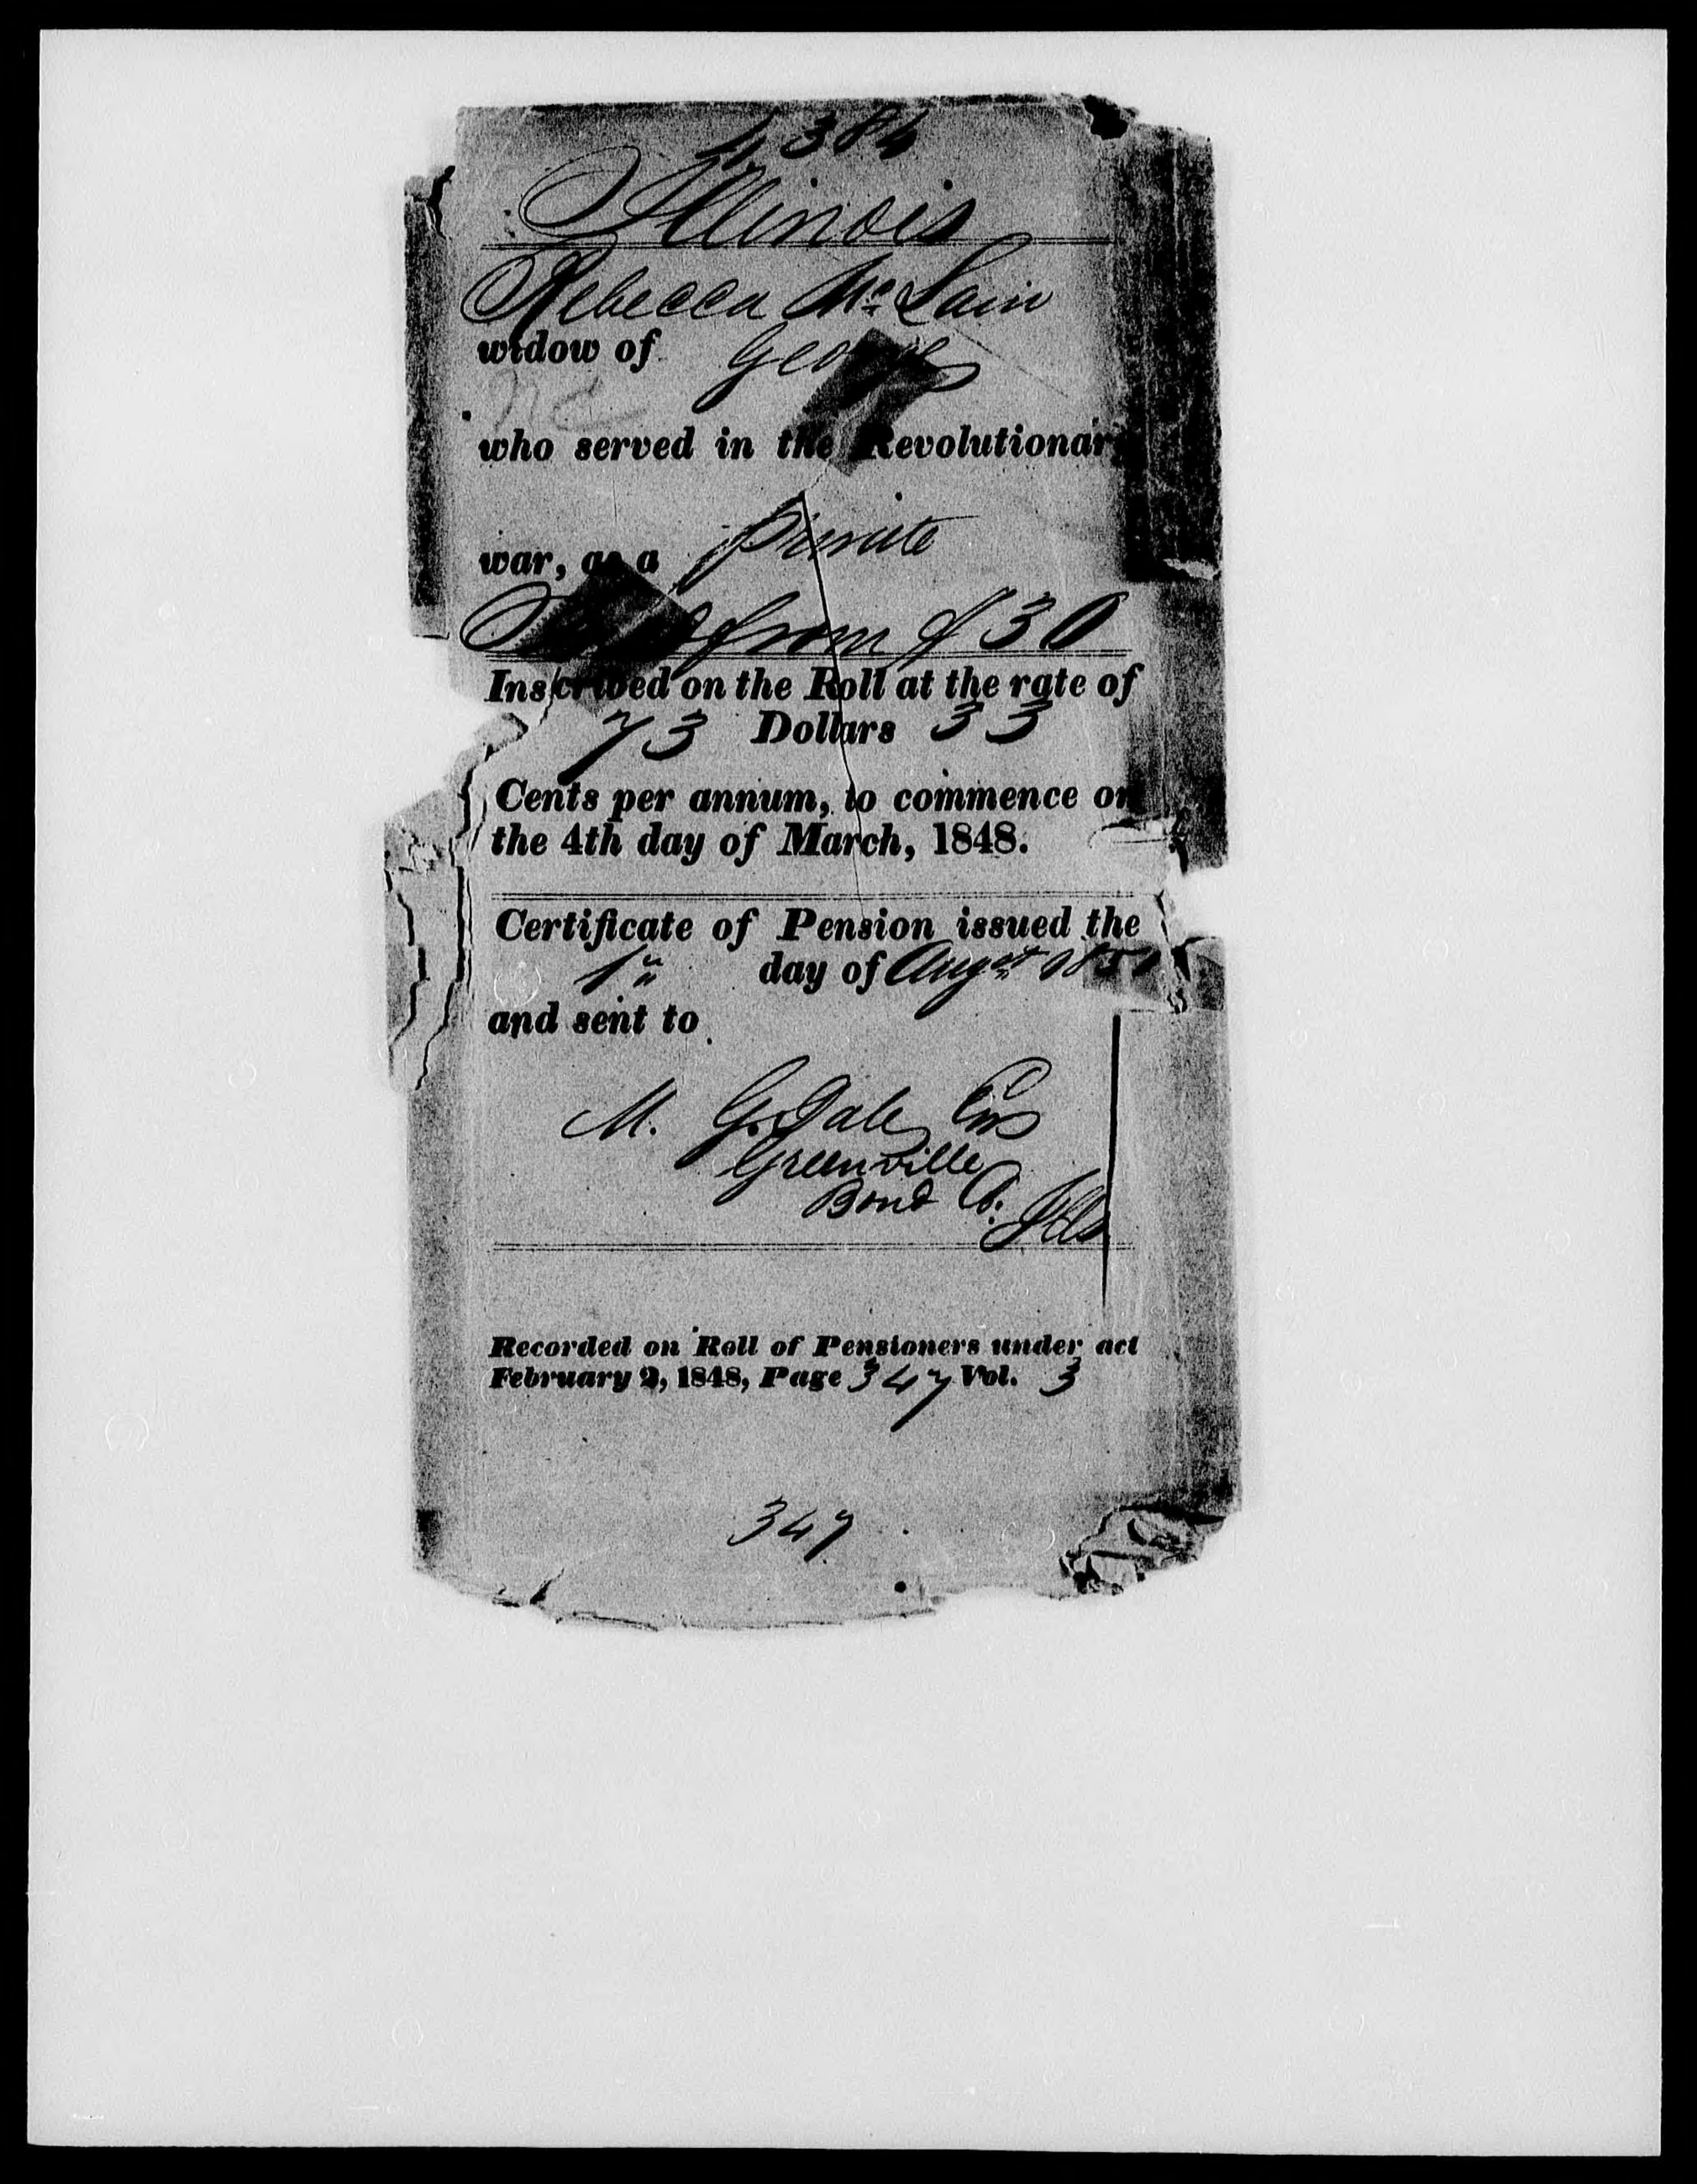[typed form, with handwritten responses]

4386
Rebecca McLain
widow of George NC
who served in the Revolutionary war, as a private [Increased?] from $30

Inscribed on the Roll at the rate of 73 Dollars 33 Cents per annum, to commence on the 4th day of March, 1848. 

Certificate of Pension issued the 1st day of August 1850 and sent to M. G. Dale Esq. Greenville  Bond Co. Ills.

Recorded on Roll of Pensioners under act February 2, 1848, Page 347 Vol. 3 

347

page: 3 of 67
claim: widow's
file: W. 21793, for George Mc Lain, North Carolina